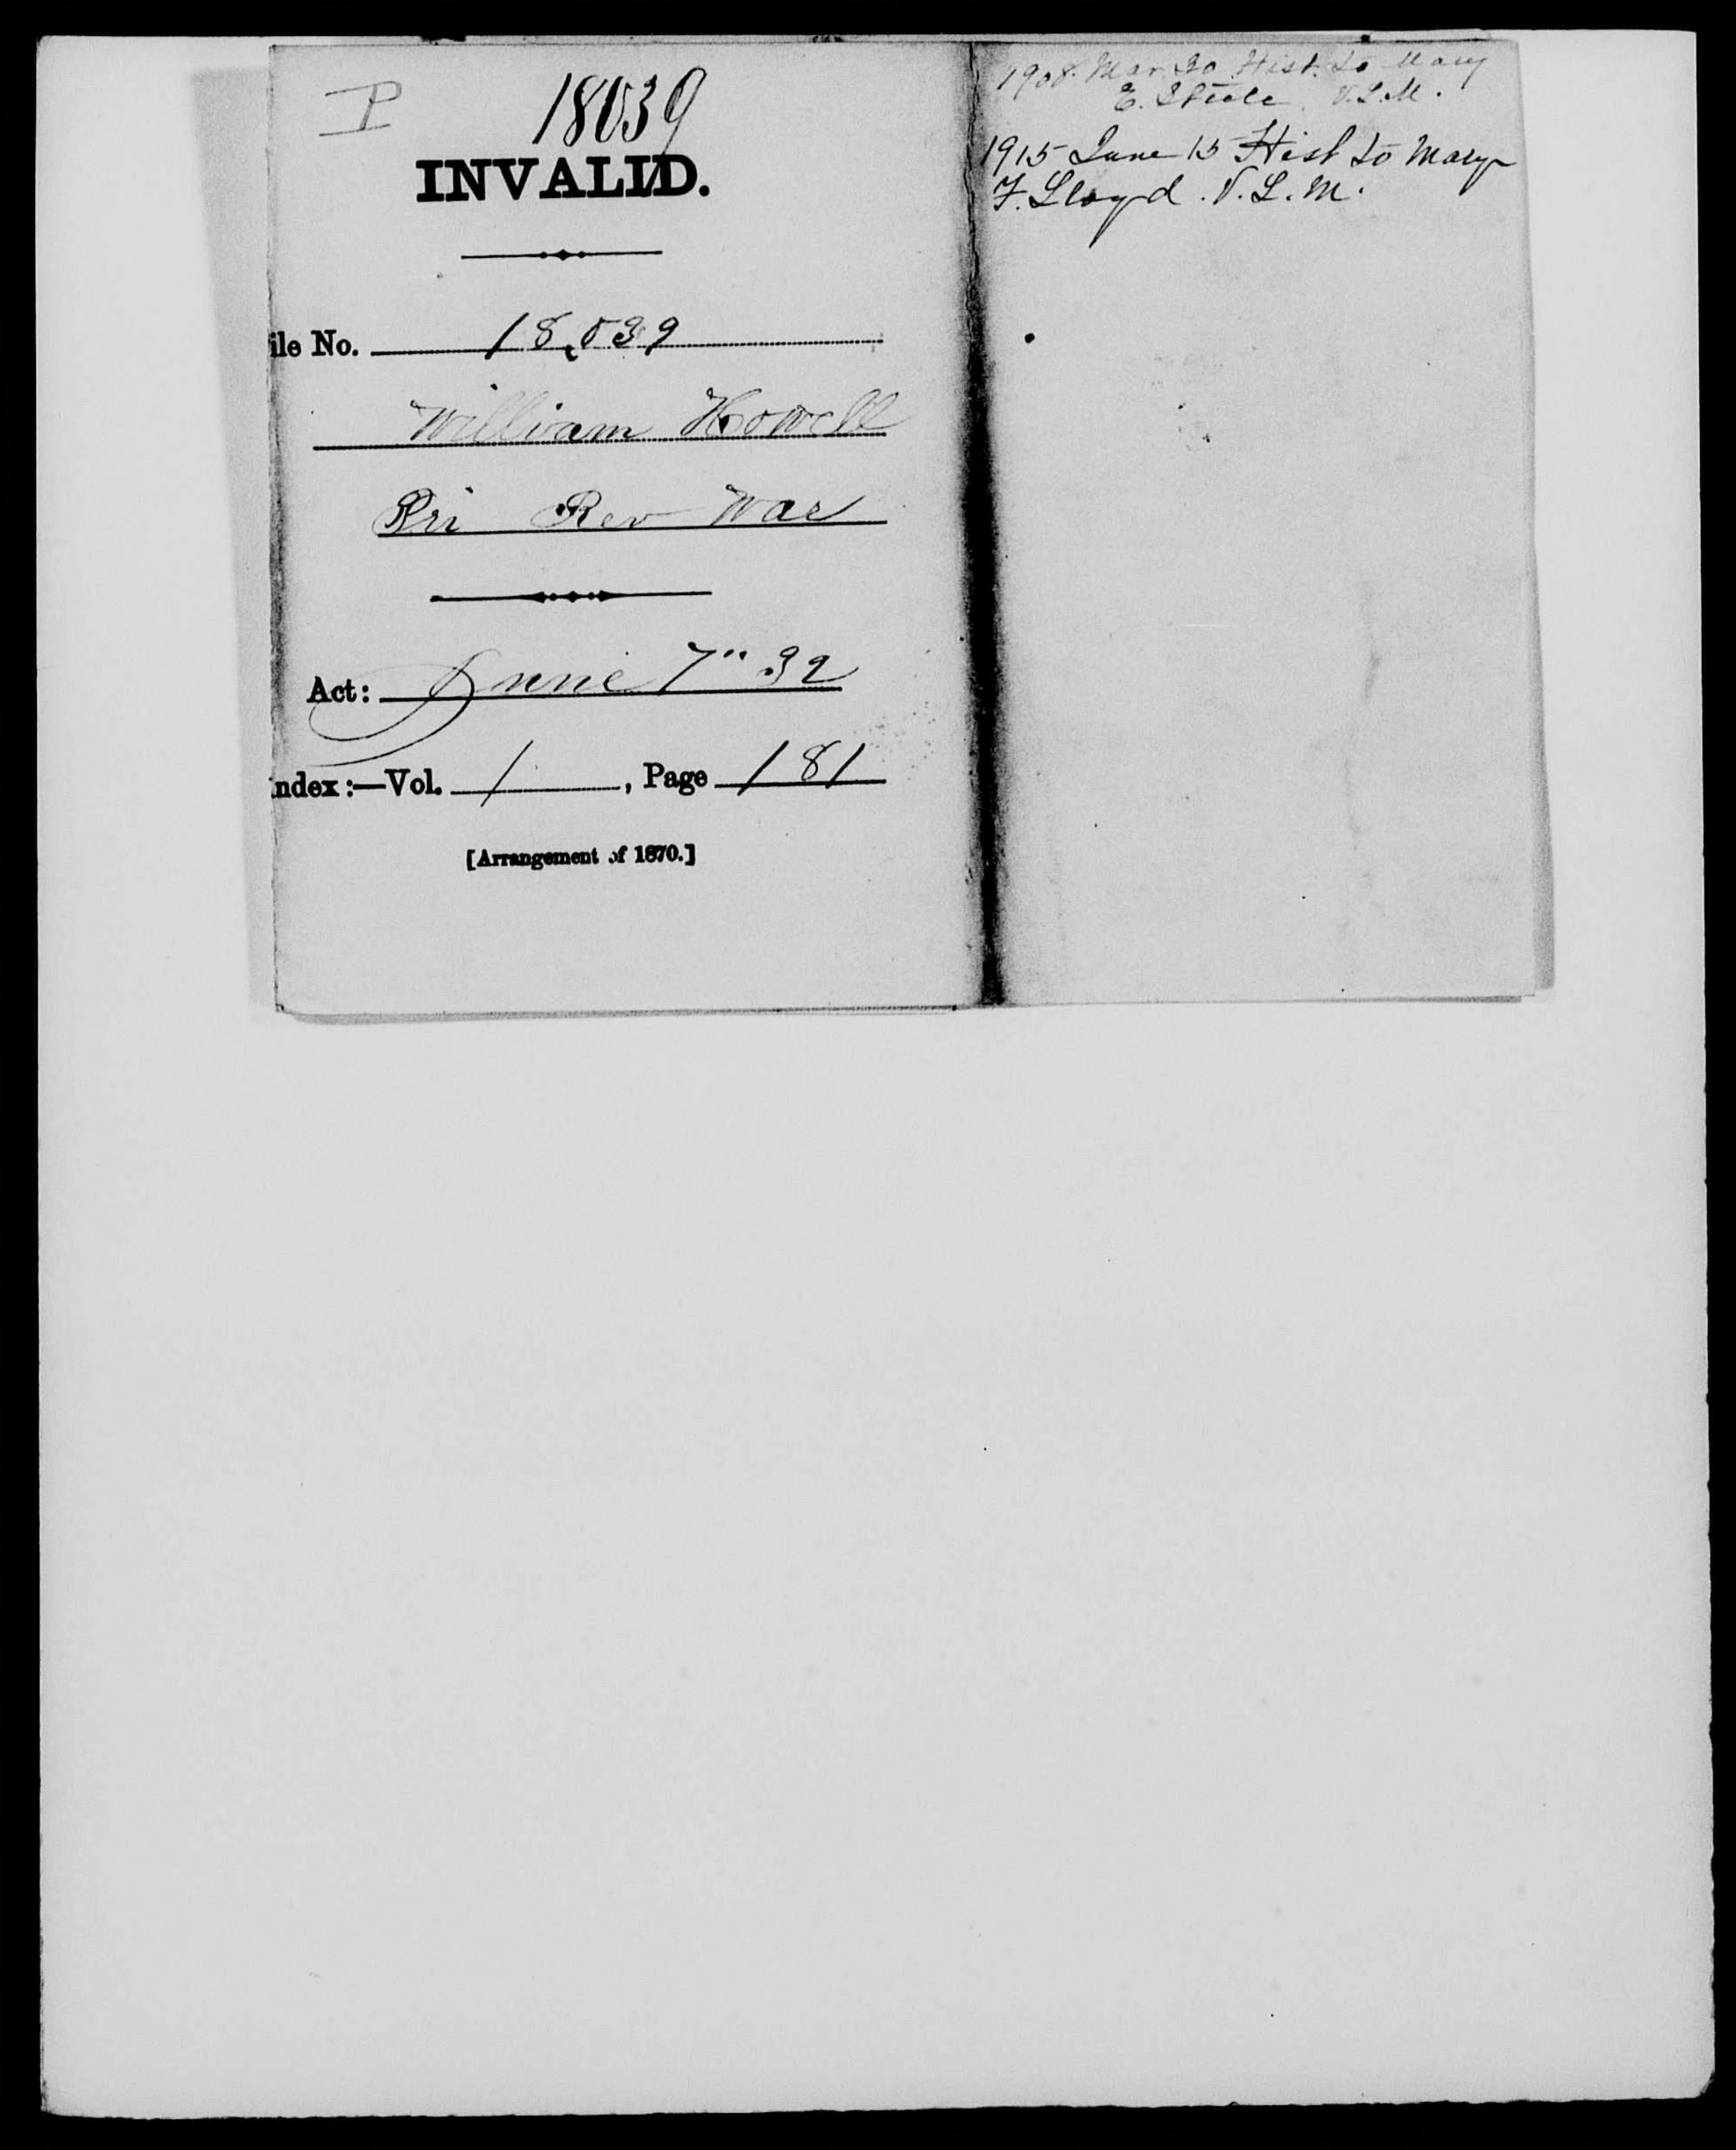[left page]

P  18039
INVALID

File No. 18,039
William Howell
Pri Rev War

Act:  June 7"32
Index :--Vol. /, Page /8/
[Arrangement of 1870]

[right page]
1908. Mar. 30. Hist Lo Mary
6. Steele V.L.M.
1915-June 15 - Hist Lo Mary 
F. Lloyd .V.L.M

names: William Howell, Mary E Steele, Mary F Lloyd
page: 9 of 18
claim: survivor's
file: S. 18,039, William Howell, Conn. Sea Service Mass. And Mass. Sea Service Privateer